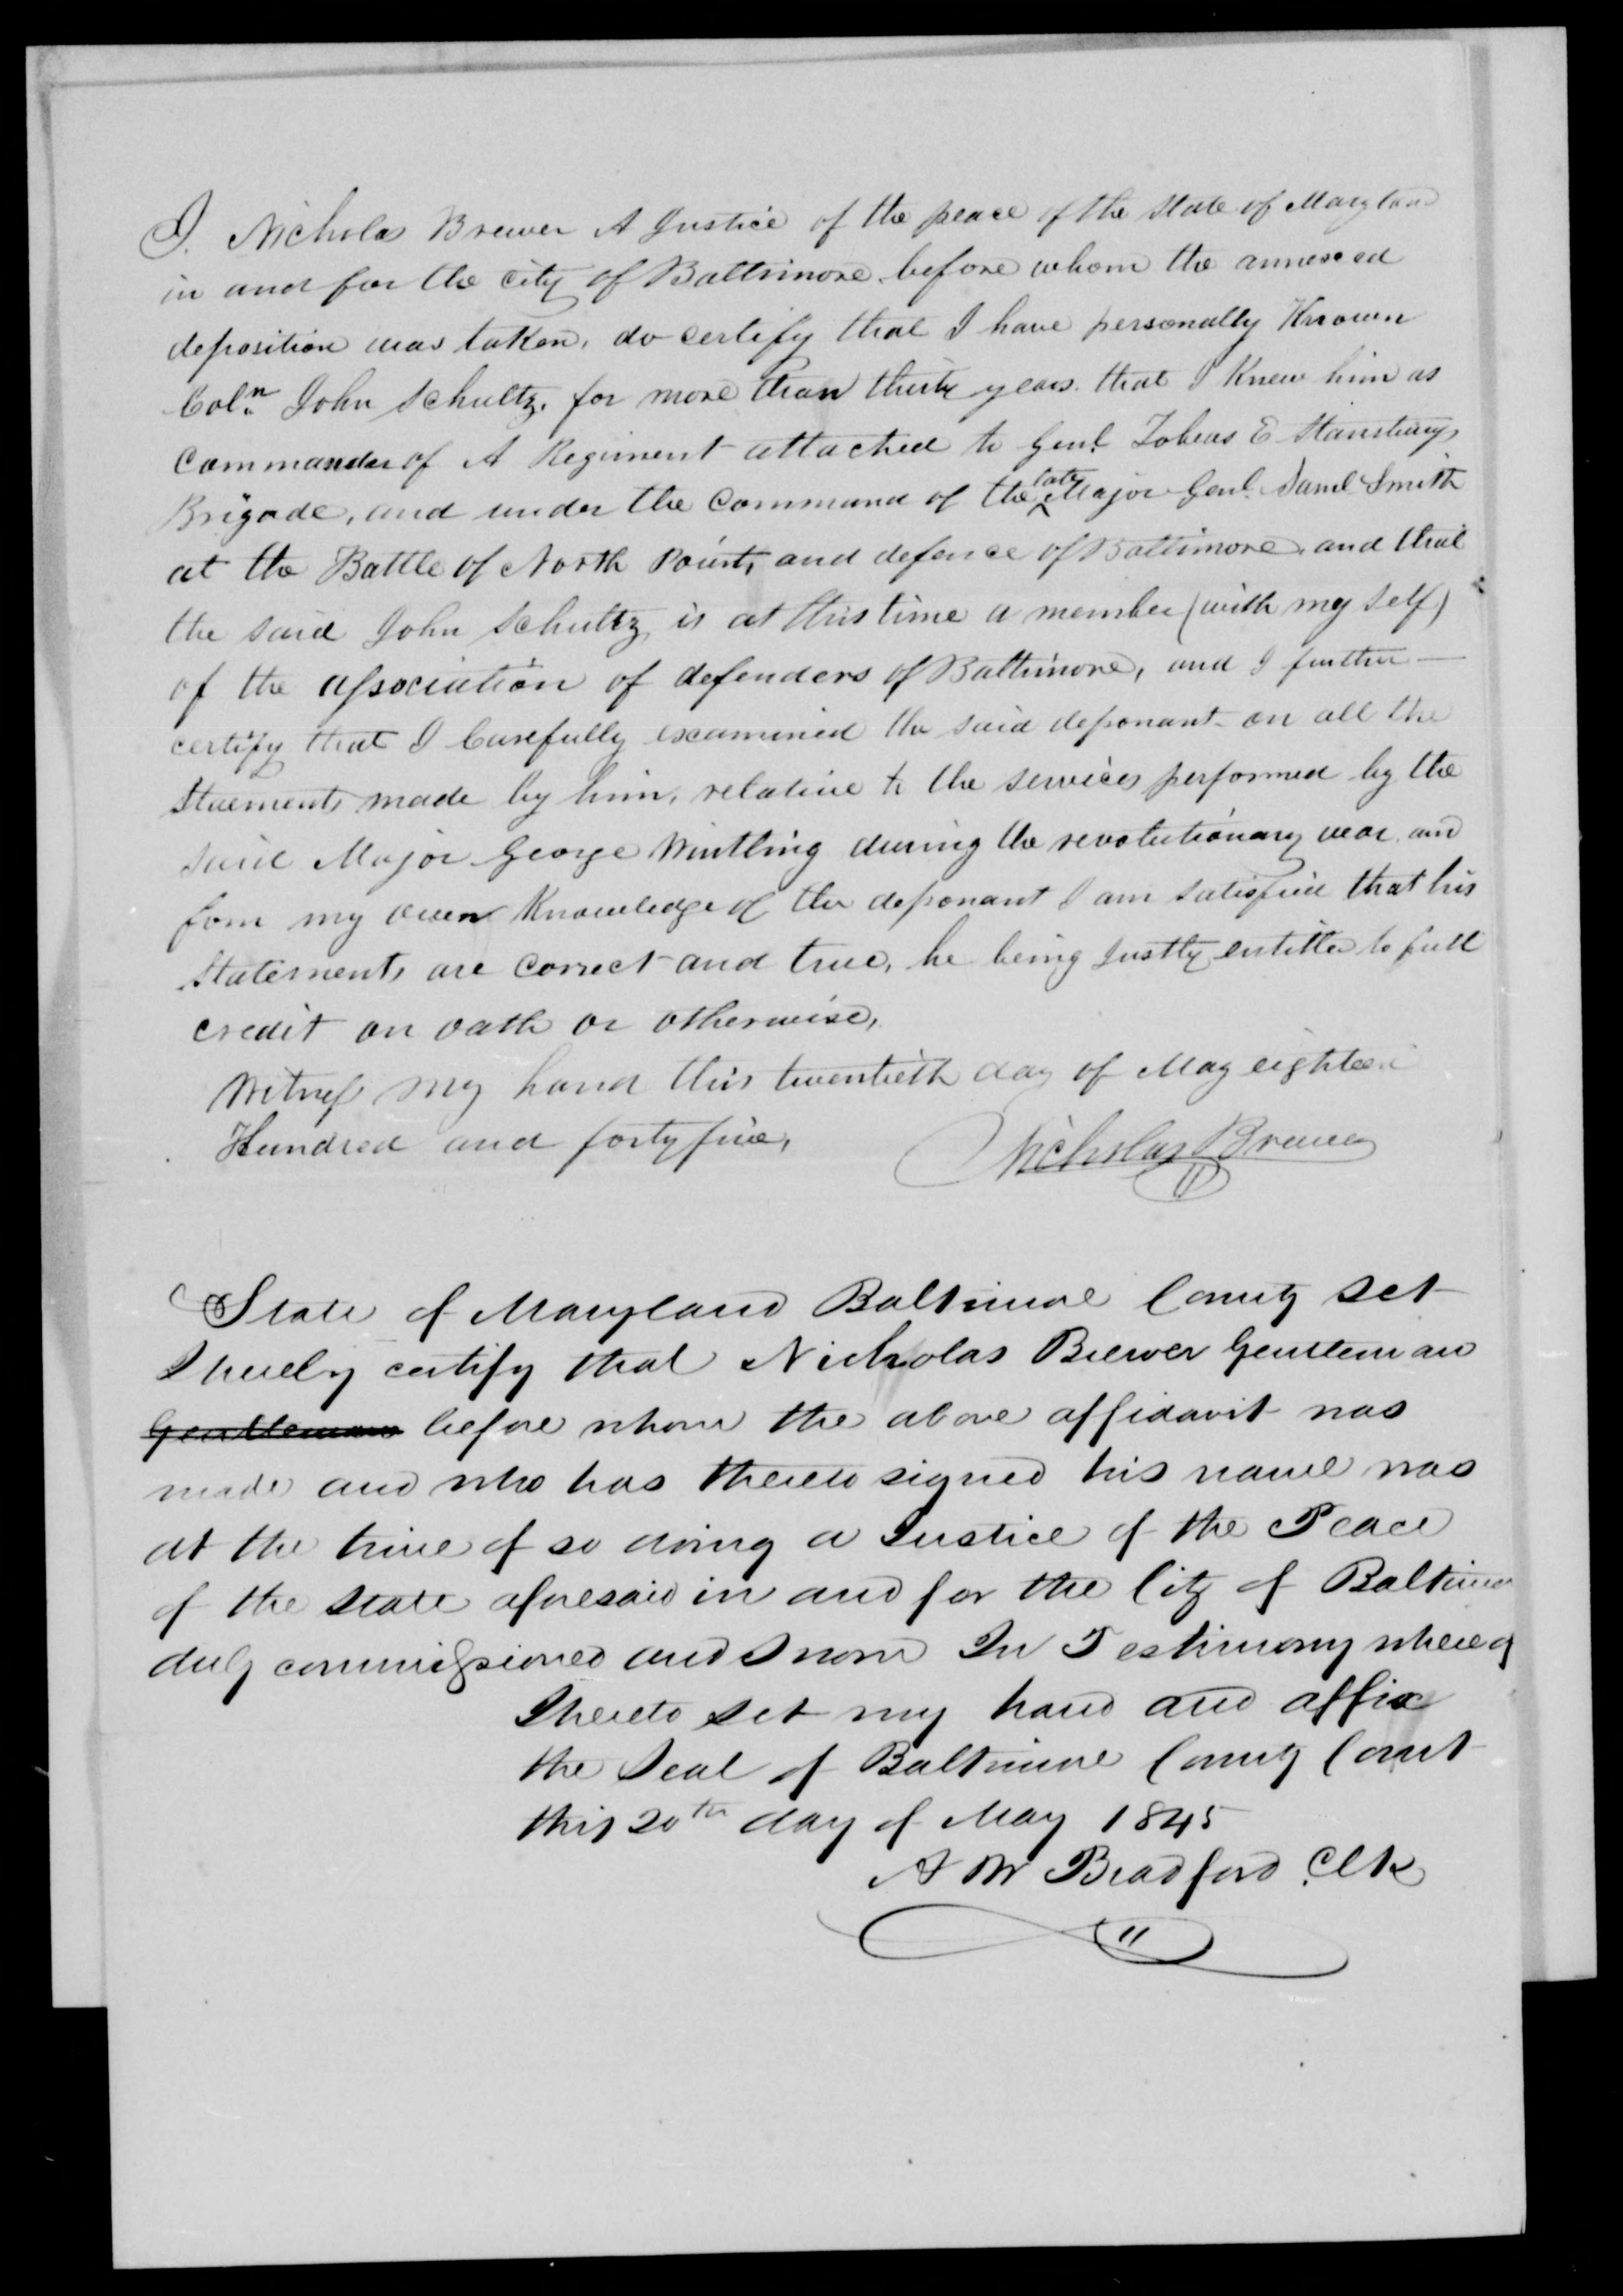I, Nicholas Brewer A Justice of the peace of the state of Maryland in and for the city of Baltimore before whom the annexed deposition was taken, do certify that I have personally known Coln. John Schultx, for more than thirty years. that I knew him as Commander of A Regiment attached to Genl Tobias E. Stansbury, Brigade, and under the Command of the late Major Genl Saml Smith at the Battle of North Point, and defence of Baltimore and that the said John Schultz, is at this time a member (with myself) of the association of defenders of Baltimore, and I further certify that I carefully examined the said deponant on all the statements made by him, rtelative to the services performed by the said Major George Wentley during the revolutionary was and for my own knowledge of the deponant I am satisfied that his statements, are correct and true, he being justly entitled to full credit on oath and otherwise.  
Witness my hand this twentieth day of May eighteen hundred and forty five.
Nicholas Brewer

State of Maryland Baltimore County set
I hereby certify that Nicholas Brewer gentleman [{gentleman} crossed out] before whom the above affidavit was made and who has thereto signed his name was at the time of so doing  a Justice of the peace of the state aforesaid an and for the City of Baltimore duly commissioned and sworn in Testimony whereof thereto set  my hand and affix the Seal of Baltimore County Court this 20th day of May 1845
A M Bradford. CLK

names: John Schultz, George Wintling, A W Bradford, Saml Smith, Nicholas Brewer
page: 40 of 68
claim: survivor's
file: S. 6,358, George Wentling, Penn.